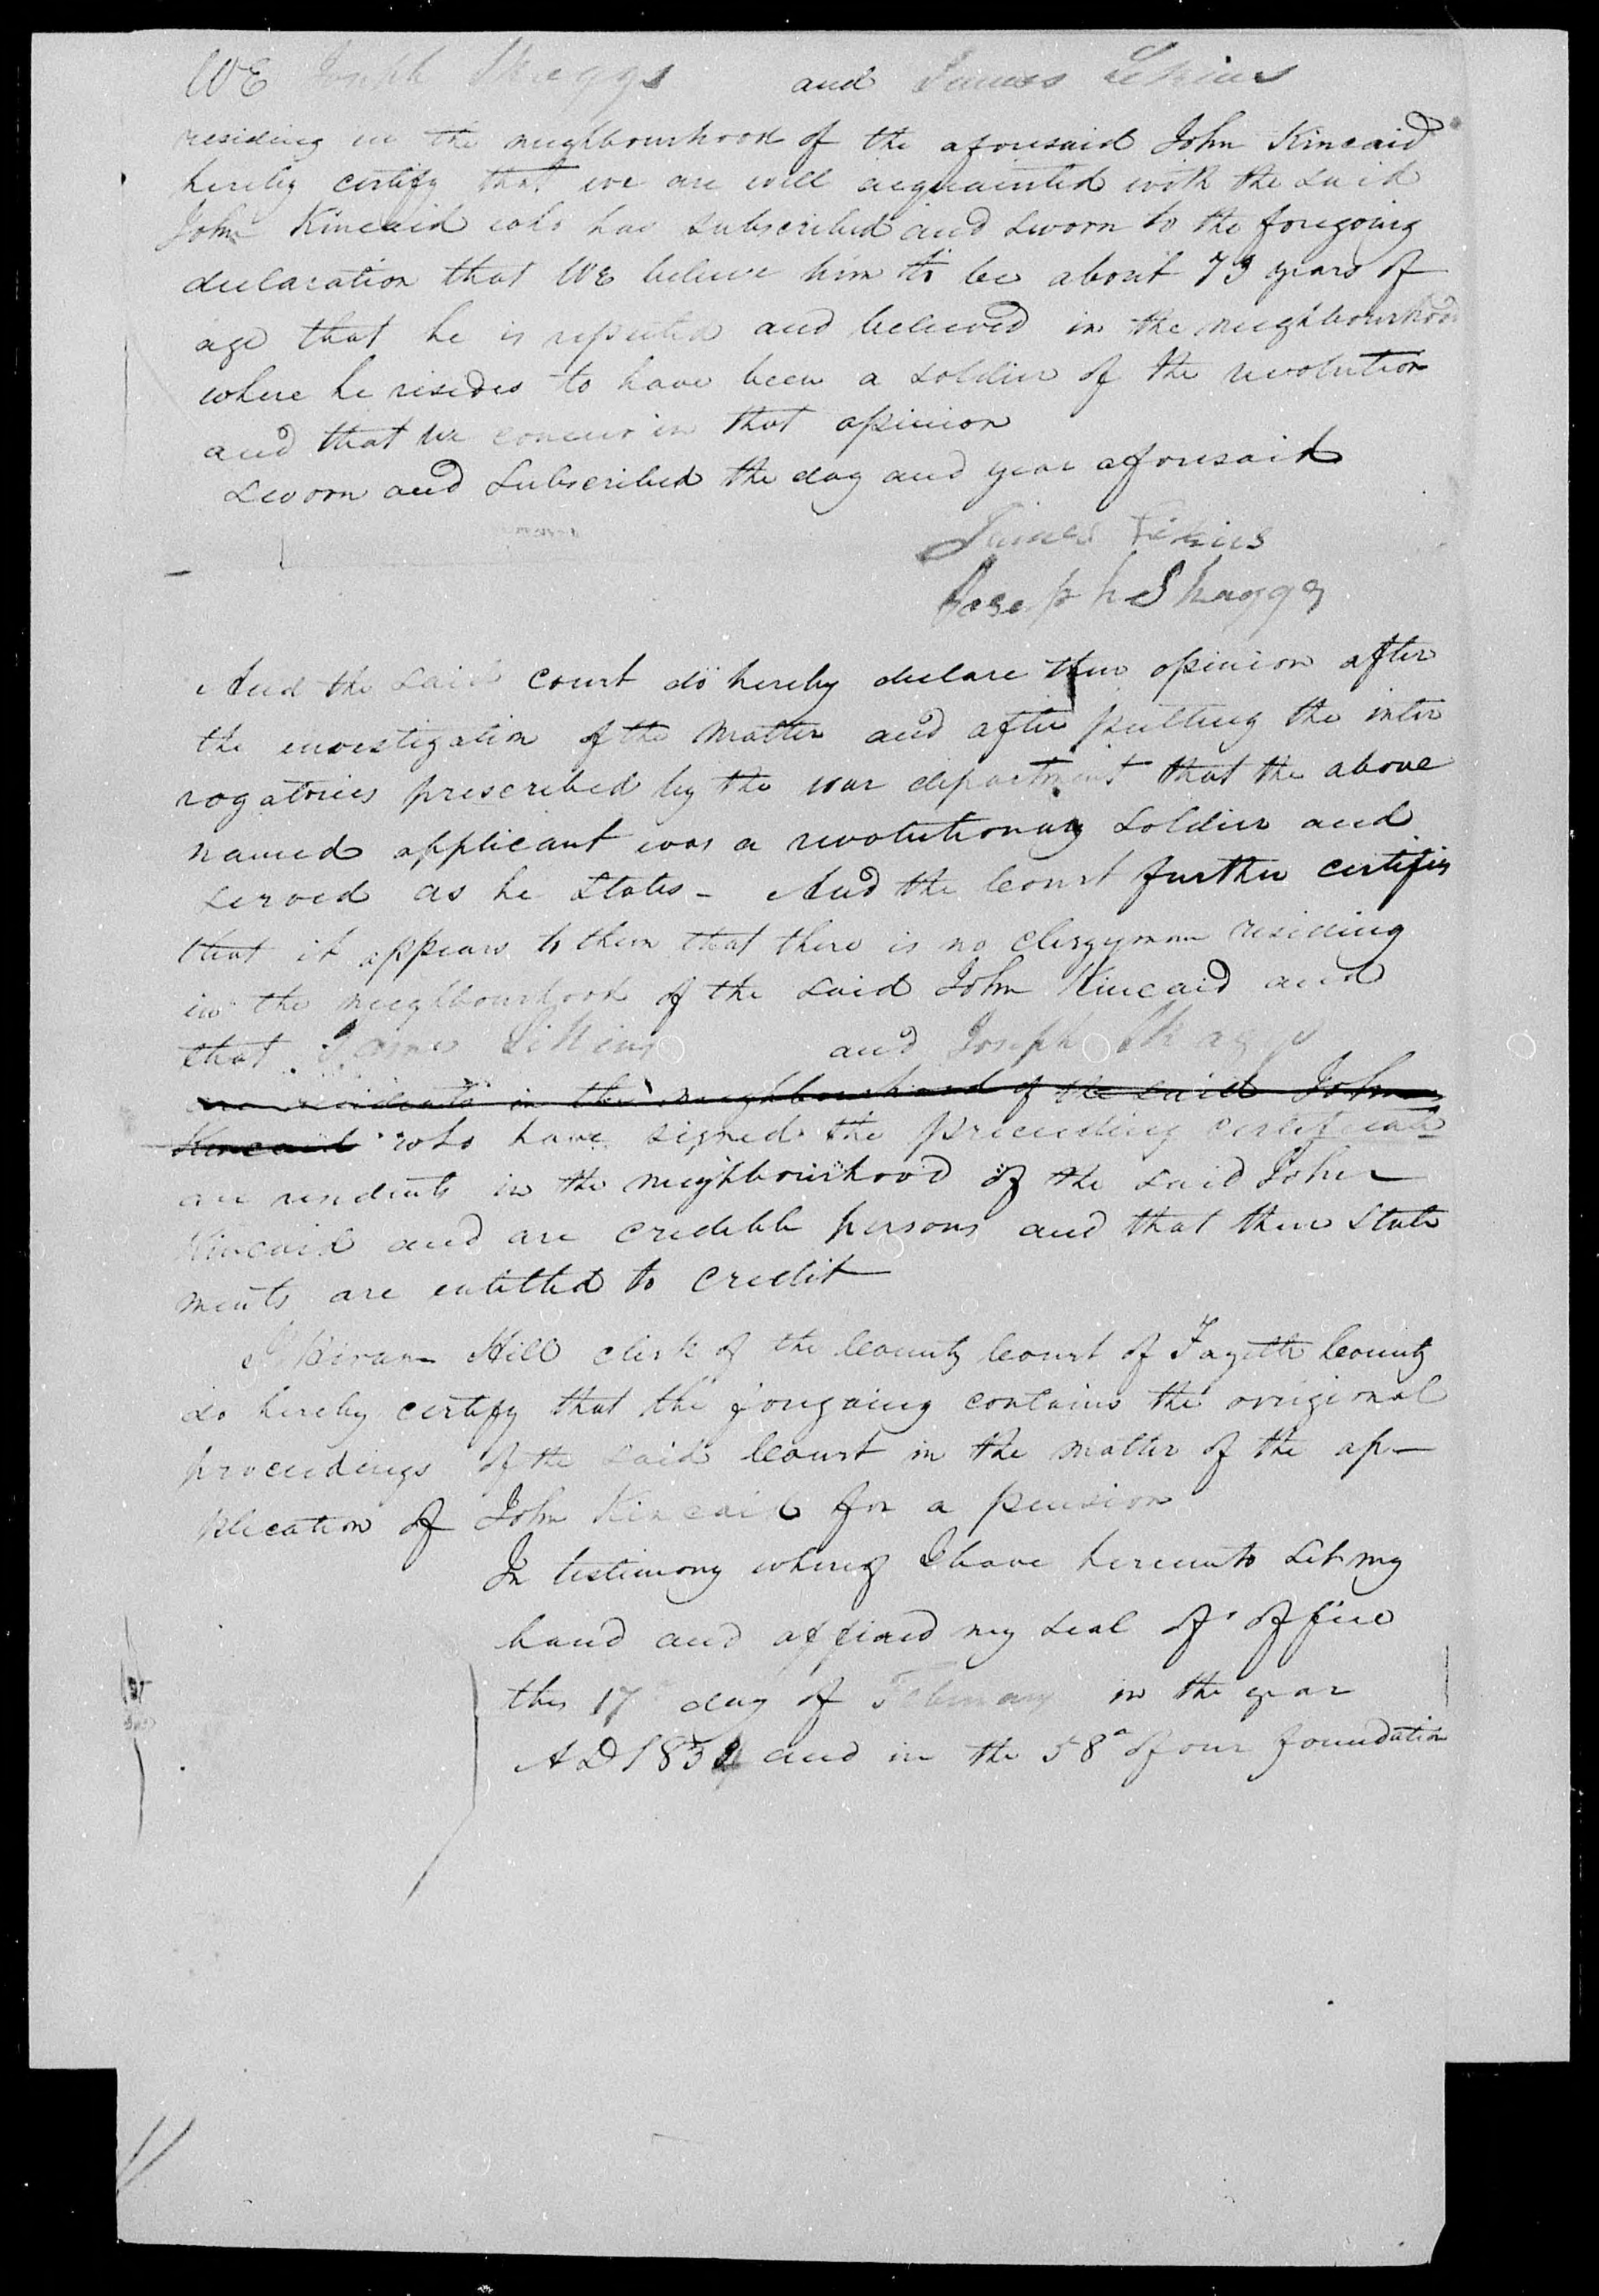WE Joseph Skaggs and James Likins 
residing in the neighborhood of the aforesaid John Kincaid do certify that we are well acquainted with the said John Kincaid who has subscribed and sworn to the foregoing declaration that we believe him to be about 73 years of age that he is reputed and believed in the neighborhood where he resides to have been a soldier of the revolution and that we concur in that opinion.
Sworn and subscribed the day and year aforesaid

James Likins
Joseph Skaggs

And the said court do hereby declare their opinion of the investigation of the matter and after putting the interrogatories prescribed by the War Department that the above named applicant was a revolutionary soldier and served as he states - And the court further certifies that it appears to them that there is no clergyman residing in the neighborhood of the said John Kincaid and that James Likins and Joseph Skaggs who have signed the preceding certificate are residents in the neighborhood of the said John Kincaid and are  credible persons and that their statements are entitled to credit.

I Hiram Hill clerk of the County Court of Fayette County do hereby certify that the foregoing contains the original proceedings of the said Court in the matter of the application of John Kincaid for a pension

In testimony whereof I have hereunto set my hand and affixed my seal of office this 17th day of February in the year AD 1834 and in the 58th of our foundation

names: John Kincaid; Joseph Shaggs; Hiram Hill; James Likins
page: 5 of 33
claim: survivor's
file: S. 19367, for John Kincaid, Virginia